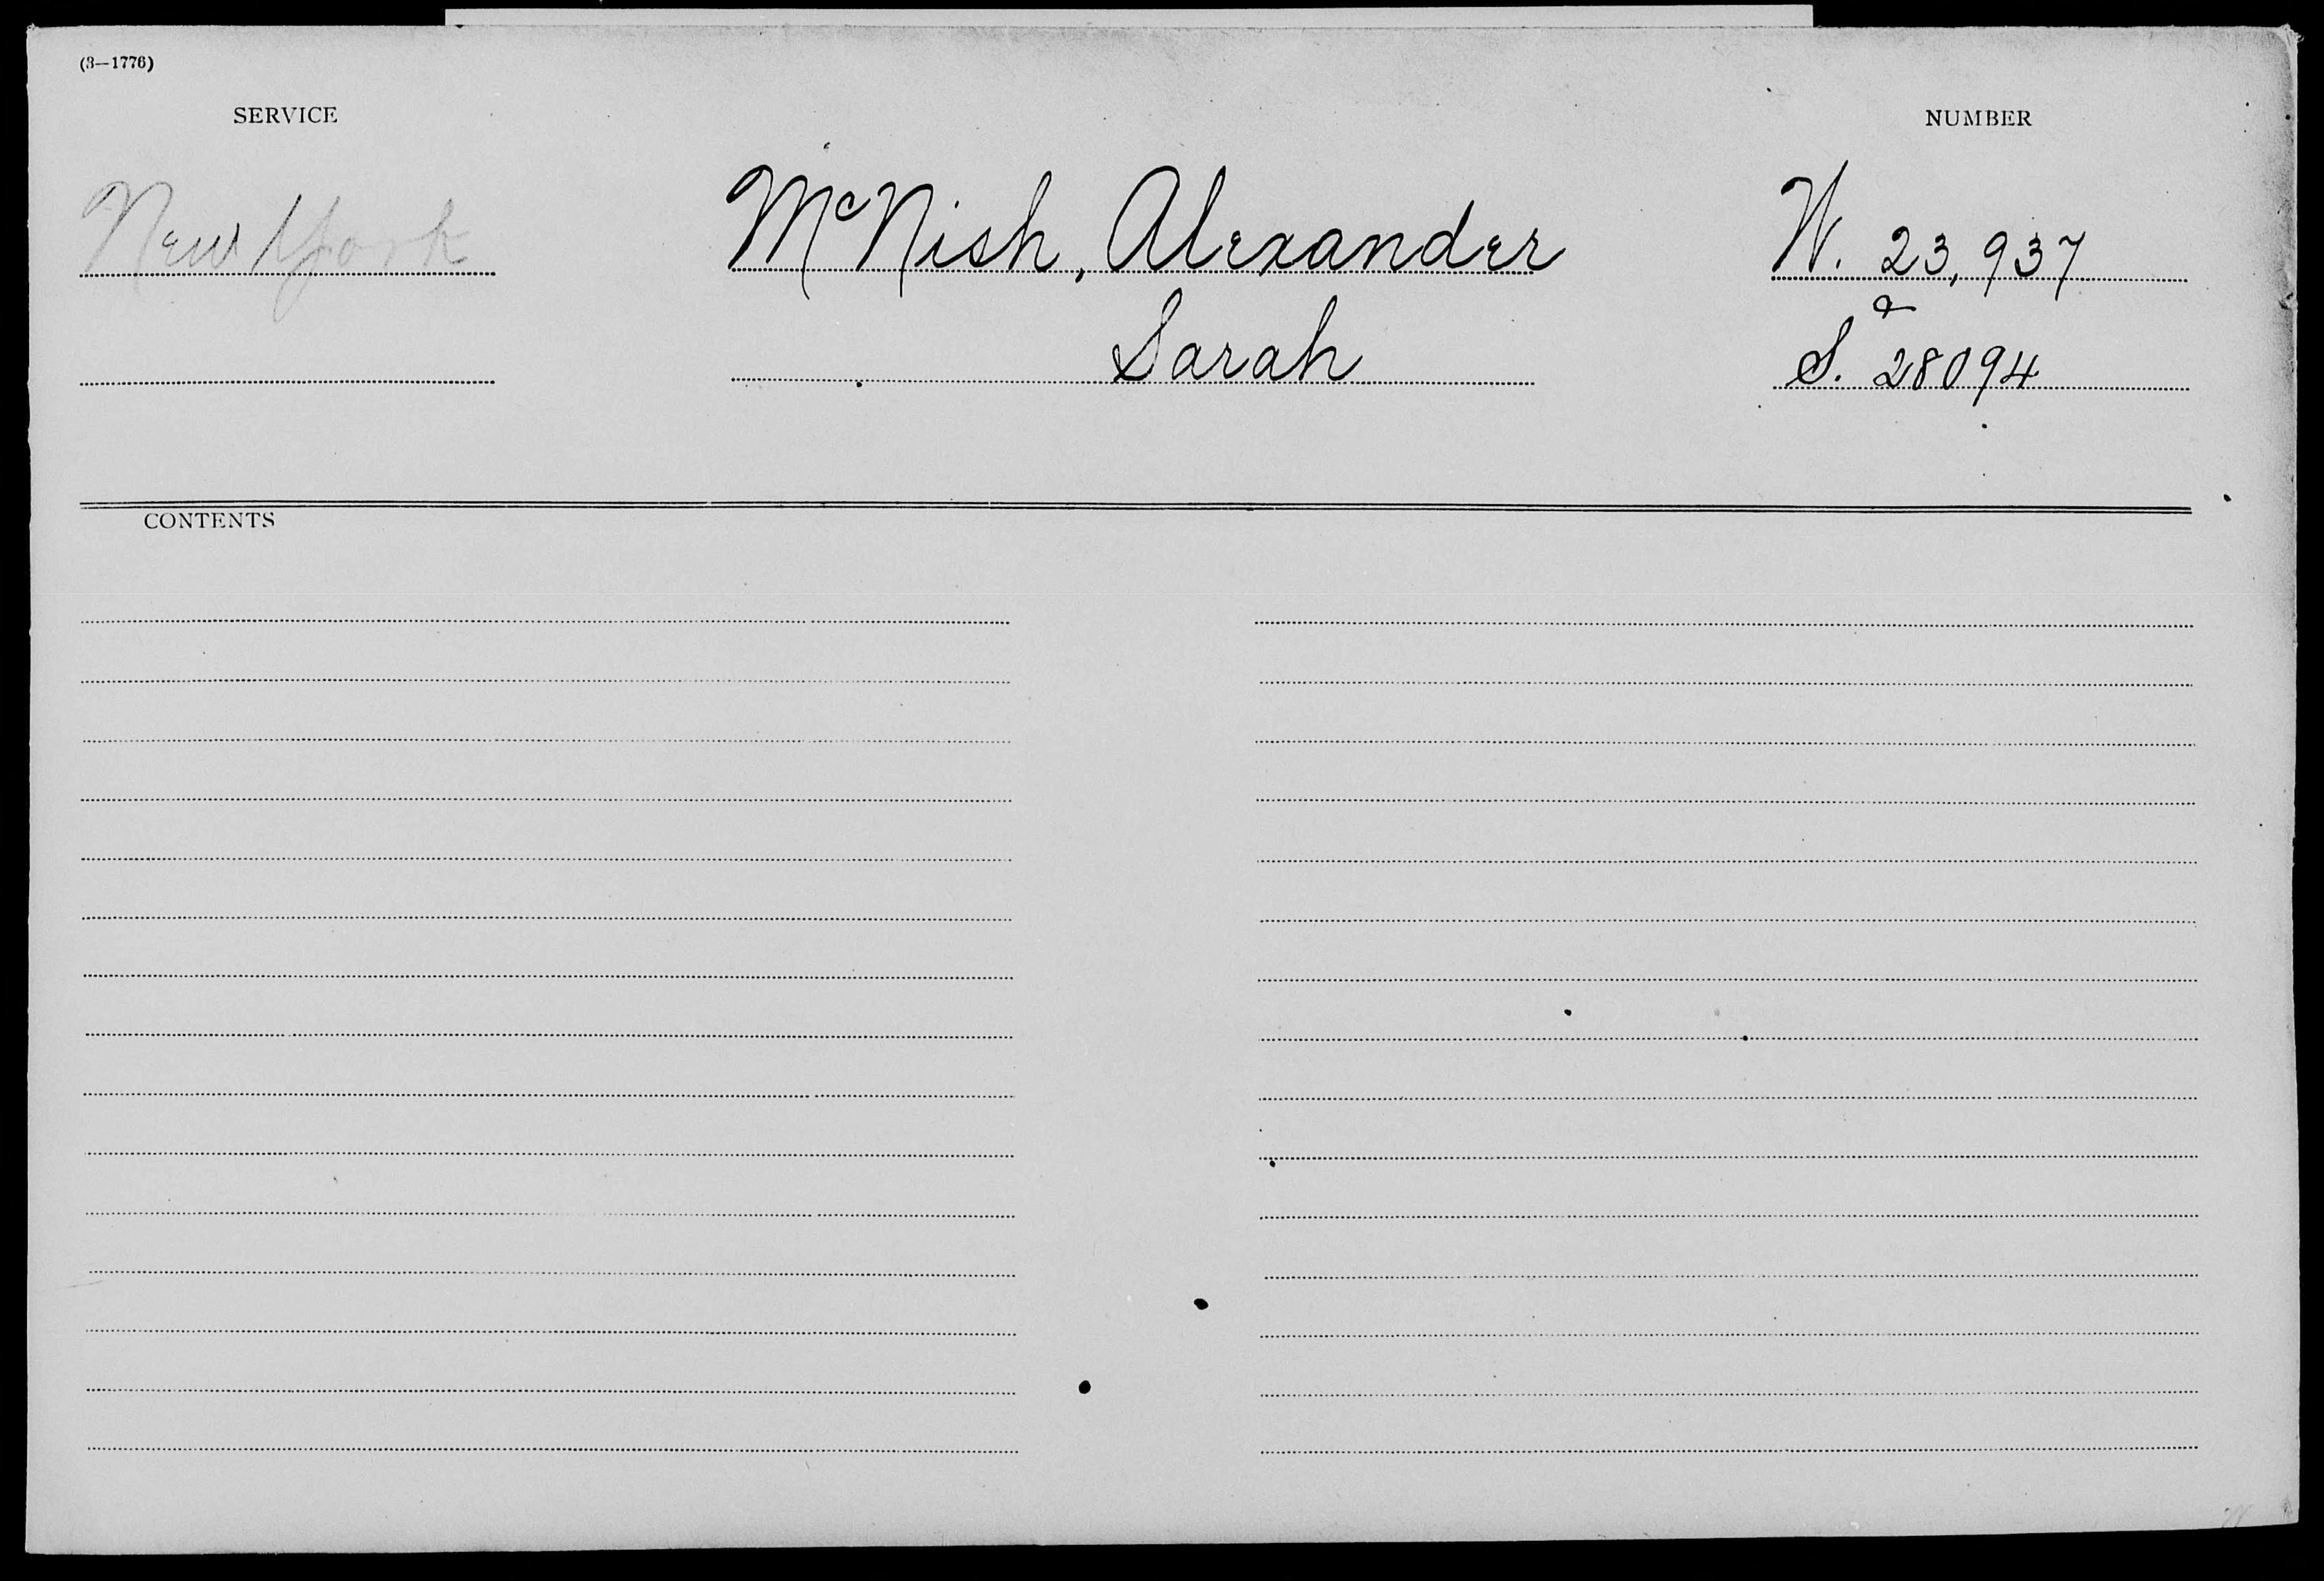(3-1776)

Service
New York 

McNish, Alexander
Sarah

Number
W. 23.937 
&
S. 28094

Contents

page: 1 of 42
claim: widow's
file: W. 23,937 S. 28094, for Alexander Mc Nish, New York